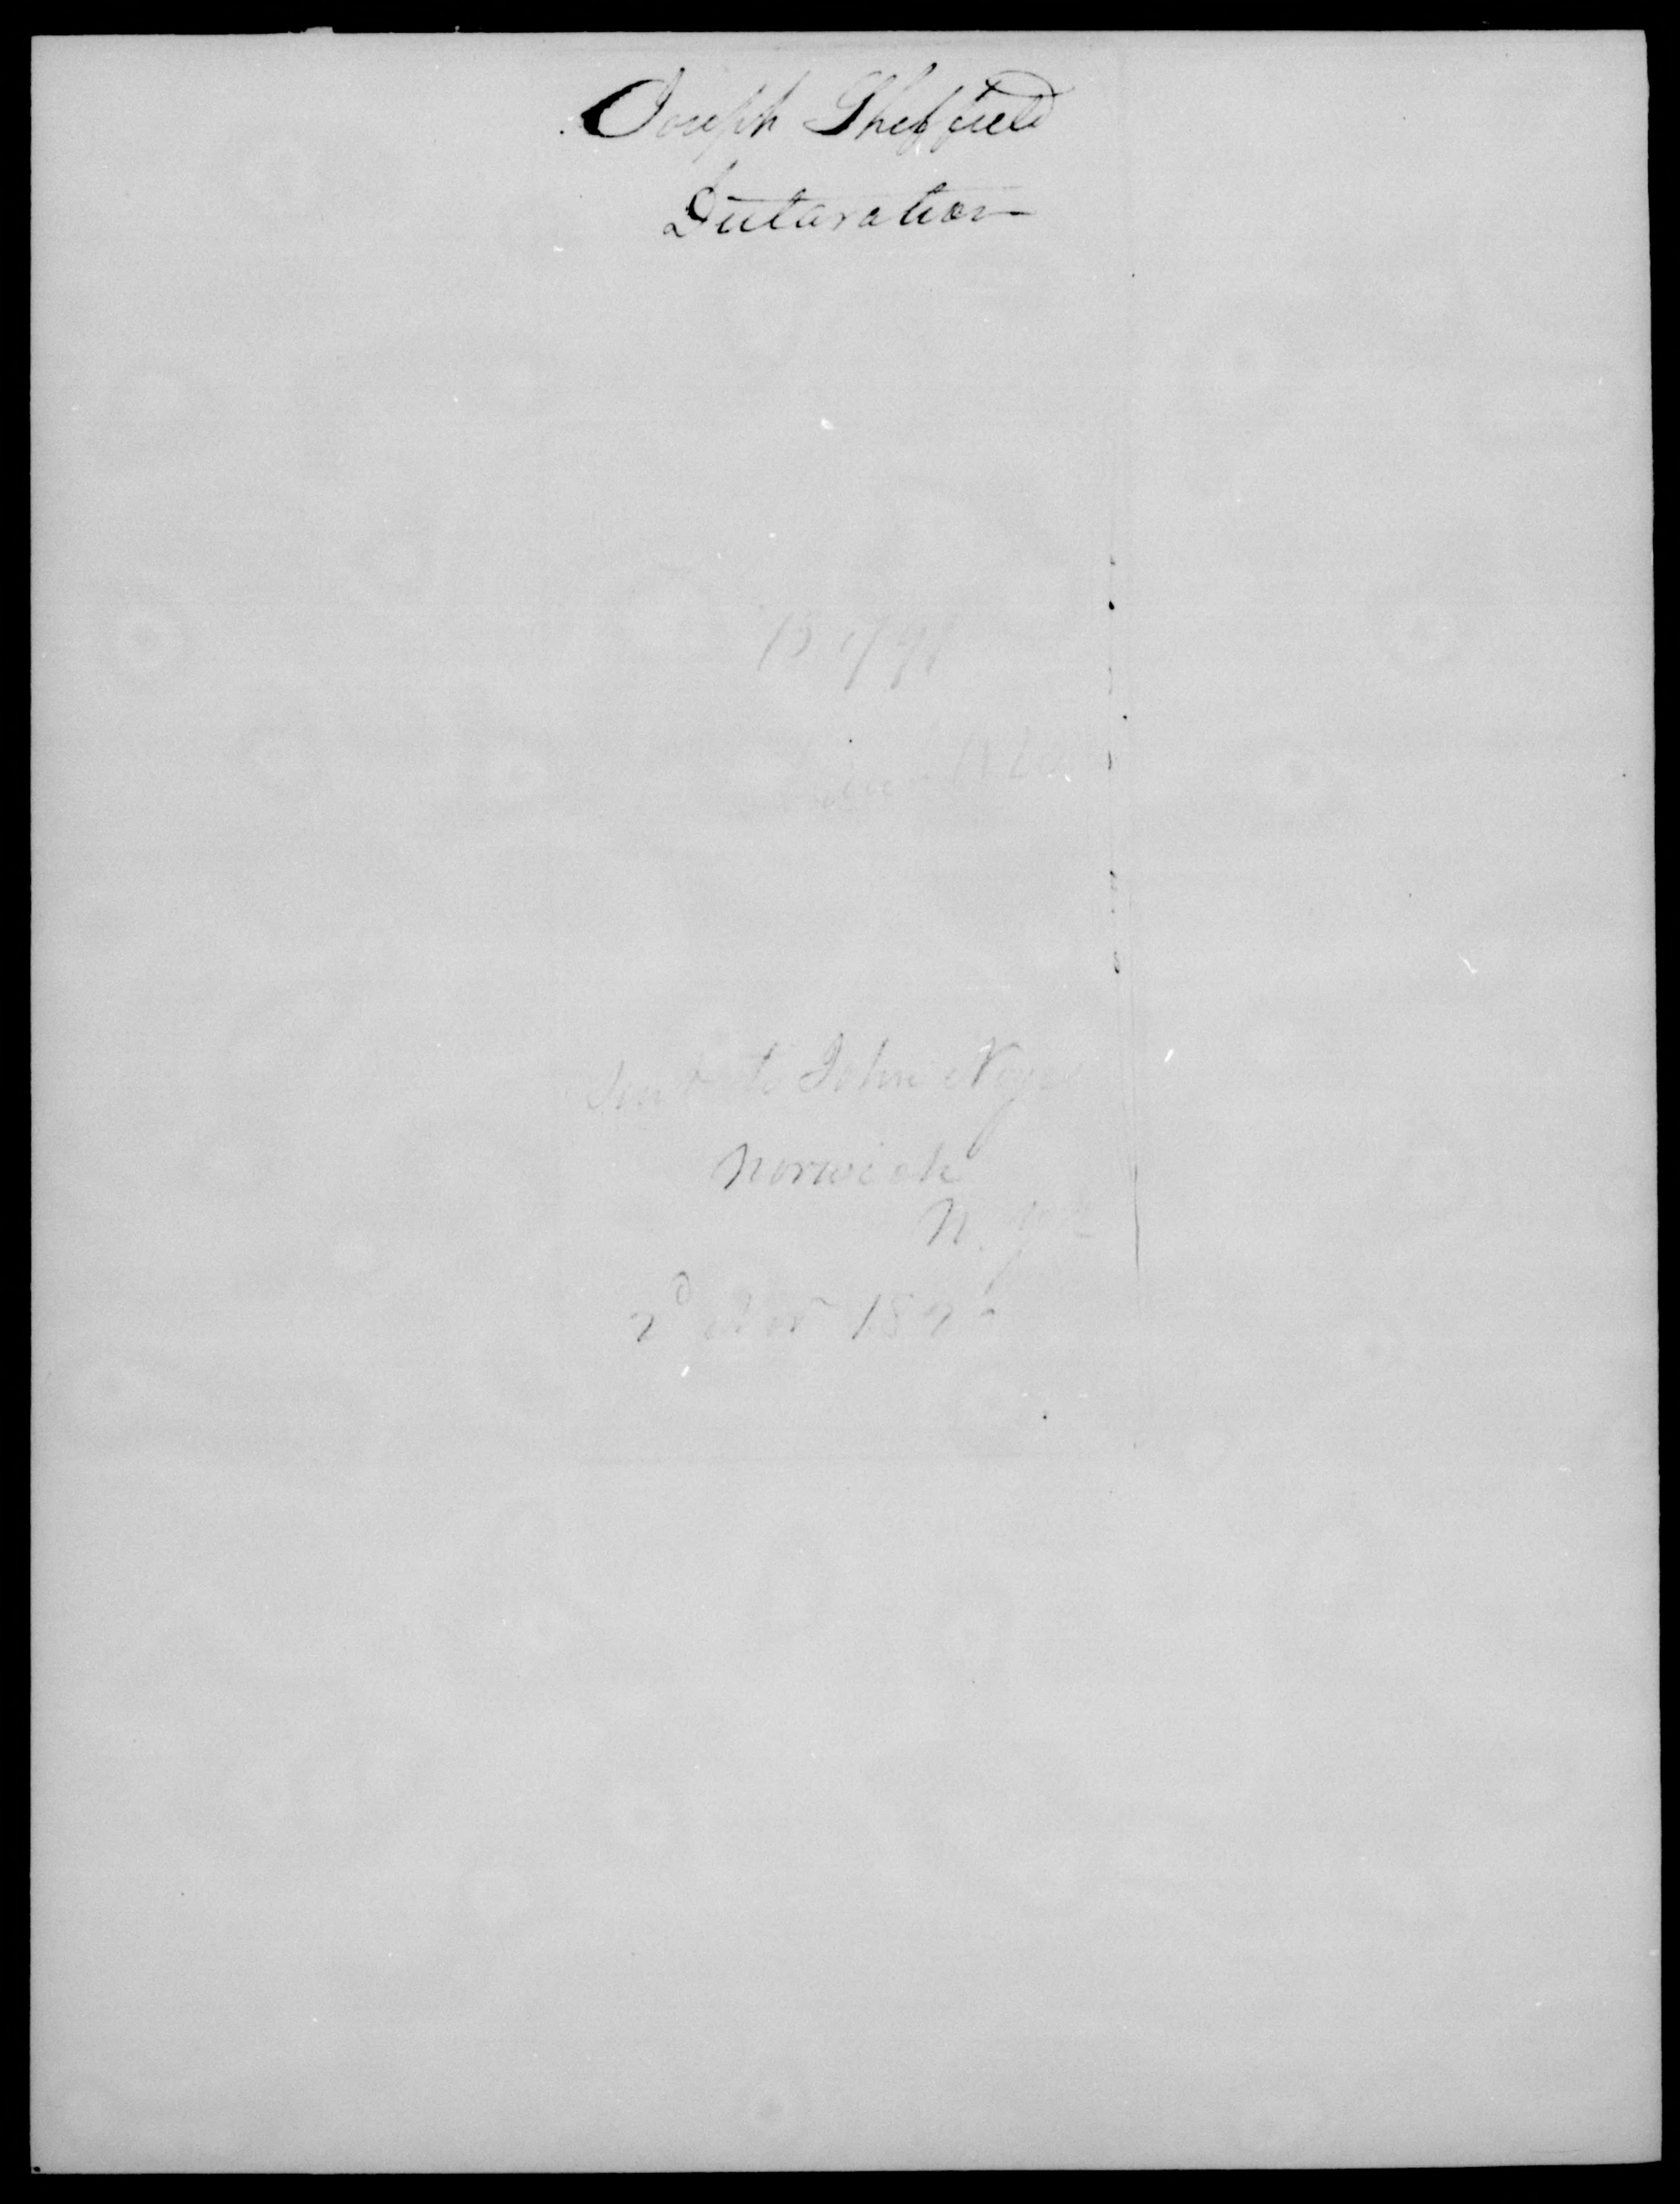Joseph Sheffield
Declaration

Sent to John Noyes
Norwich NY
2d December 1846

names: Joseph Sheffield; John Noyes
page: 3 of 25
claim: survivor's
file: S. 42,272, for Joseph Sheffield, Connecticut